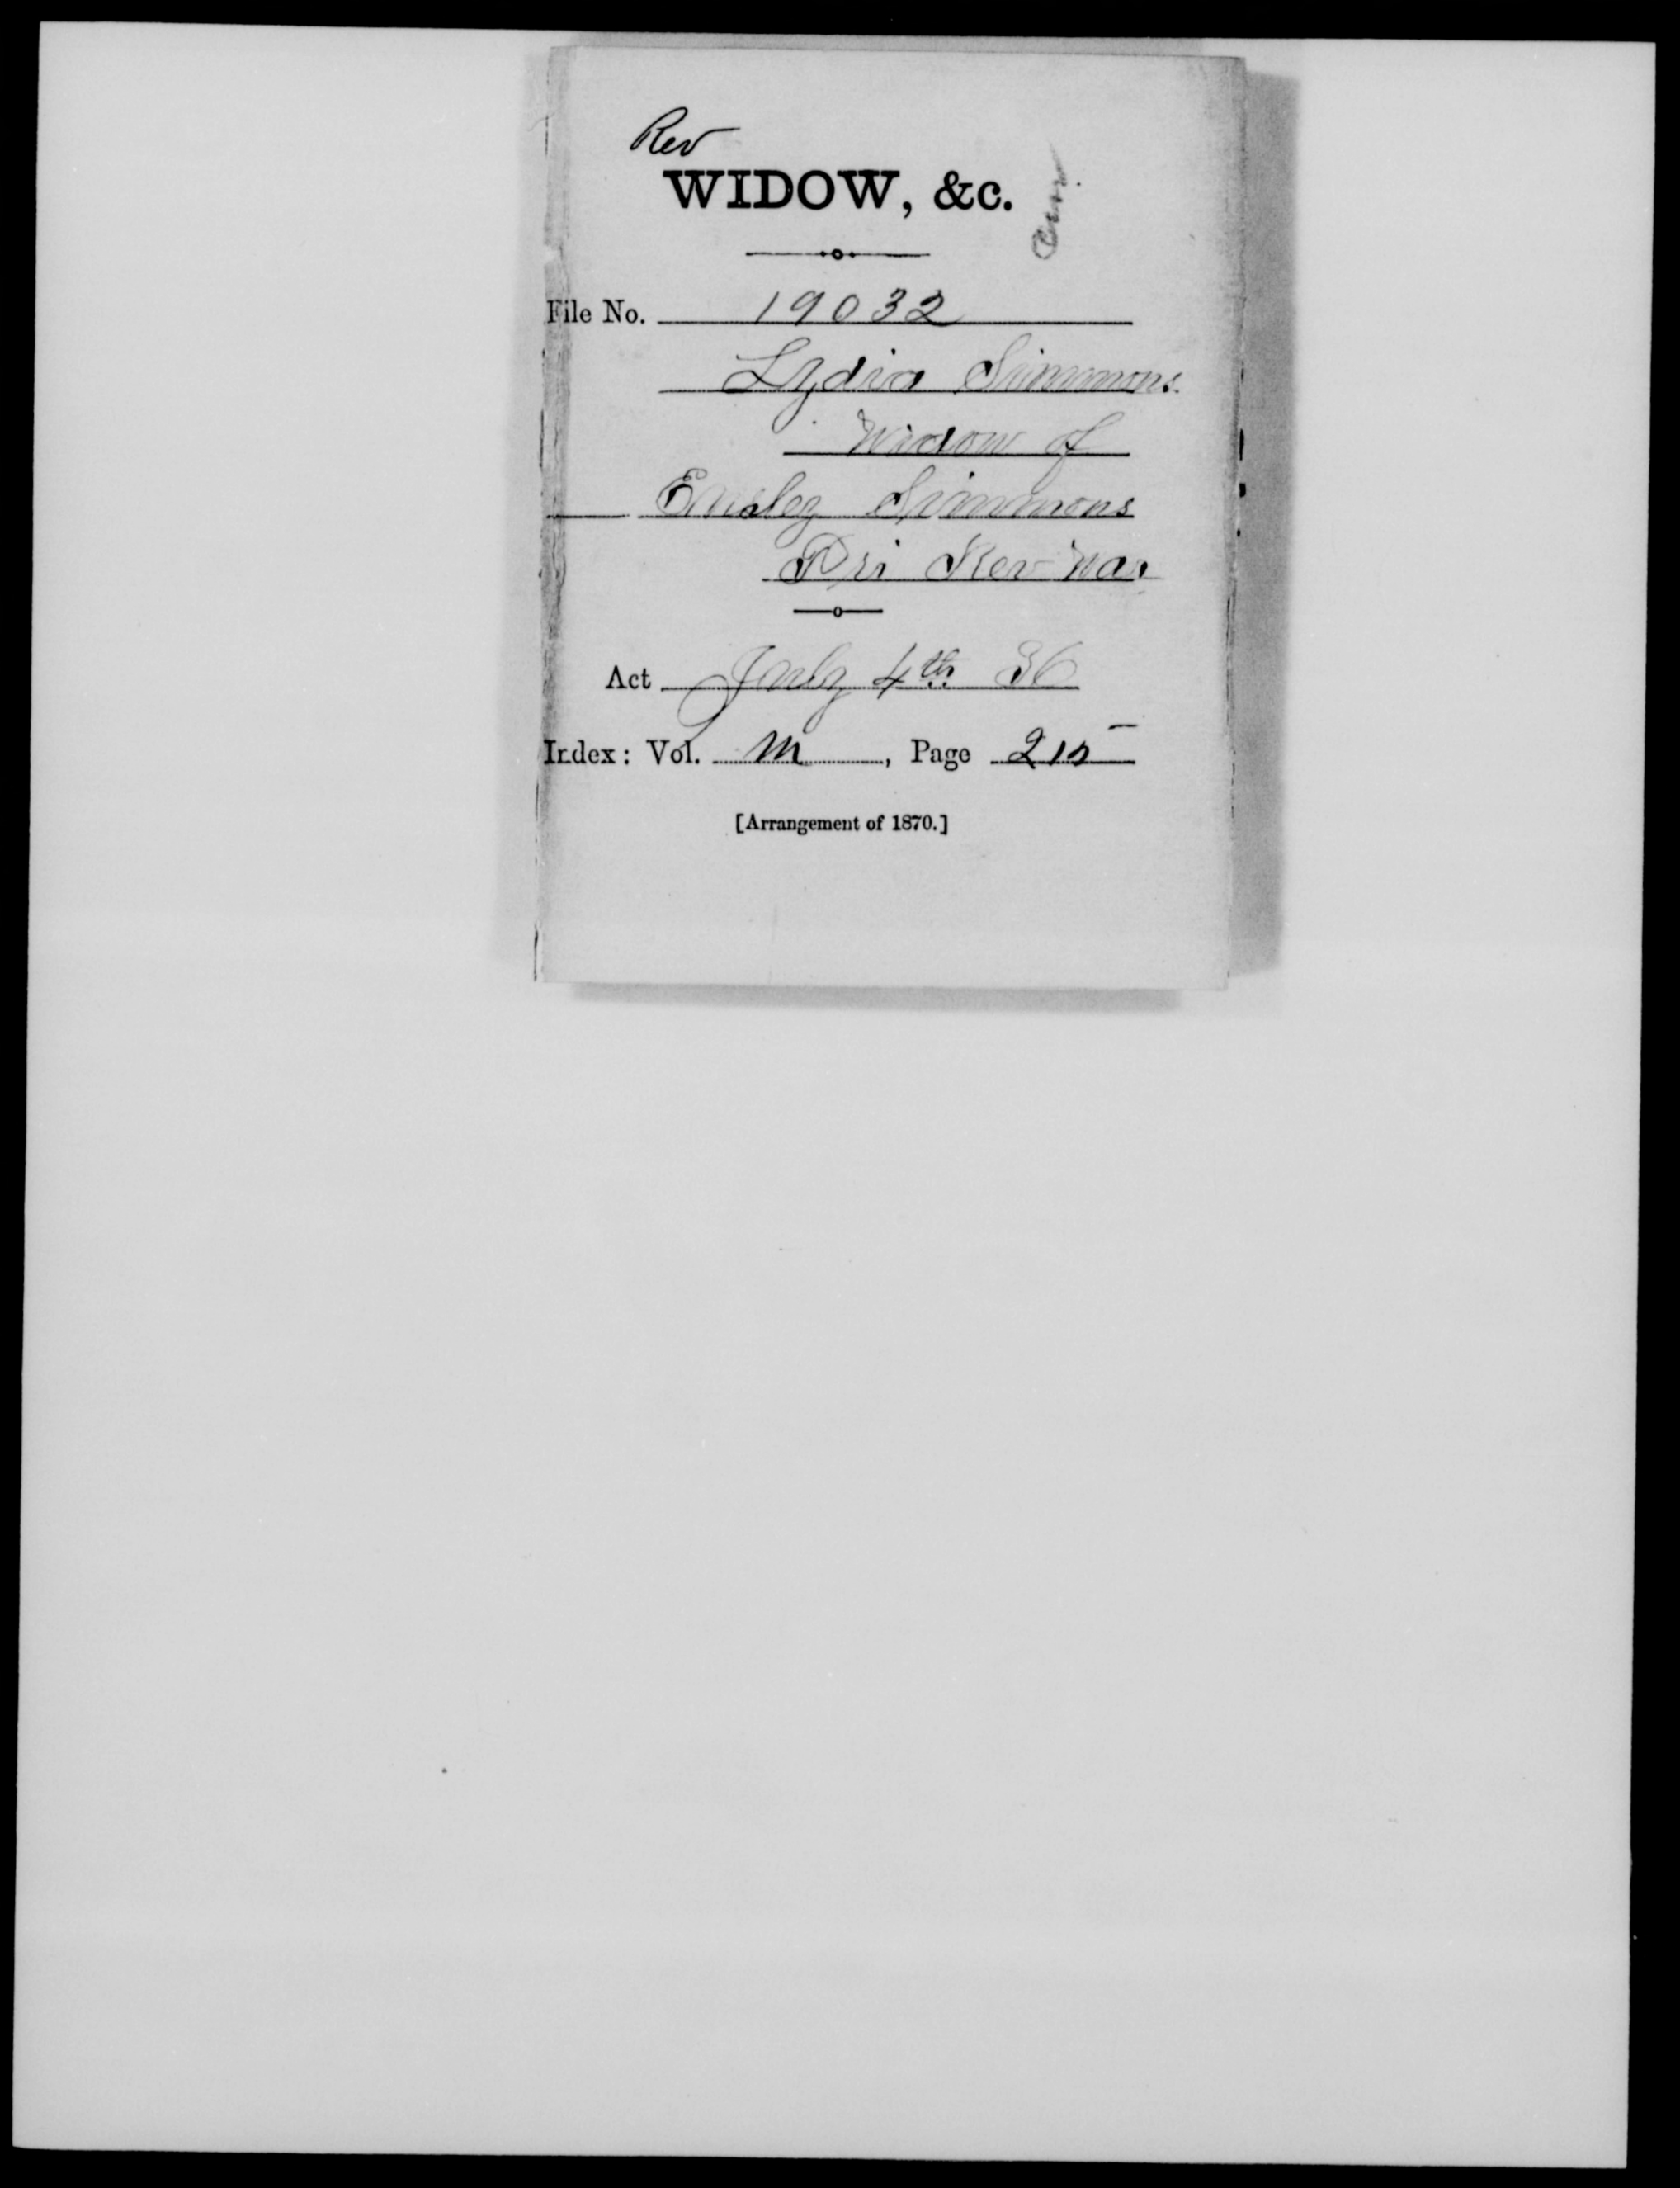Rev Widow, &c.
File No. 19032
Lydia Simmons widow of Ensley Simmons
Pri Rev War
Act July 4th 36
Index: Vol. M, Page 215
[Arrangement of 1870.]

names: Ensley Simmons; Lydia Simmons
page: 16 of 29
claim: widow's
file: W. 19,032, for Ensley Simmons, New York